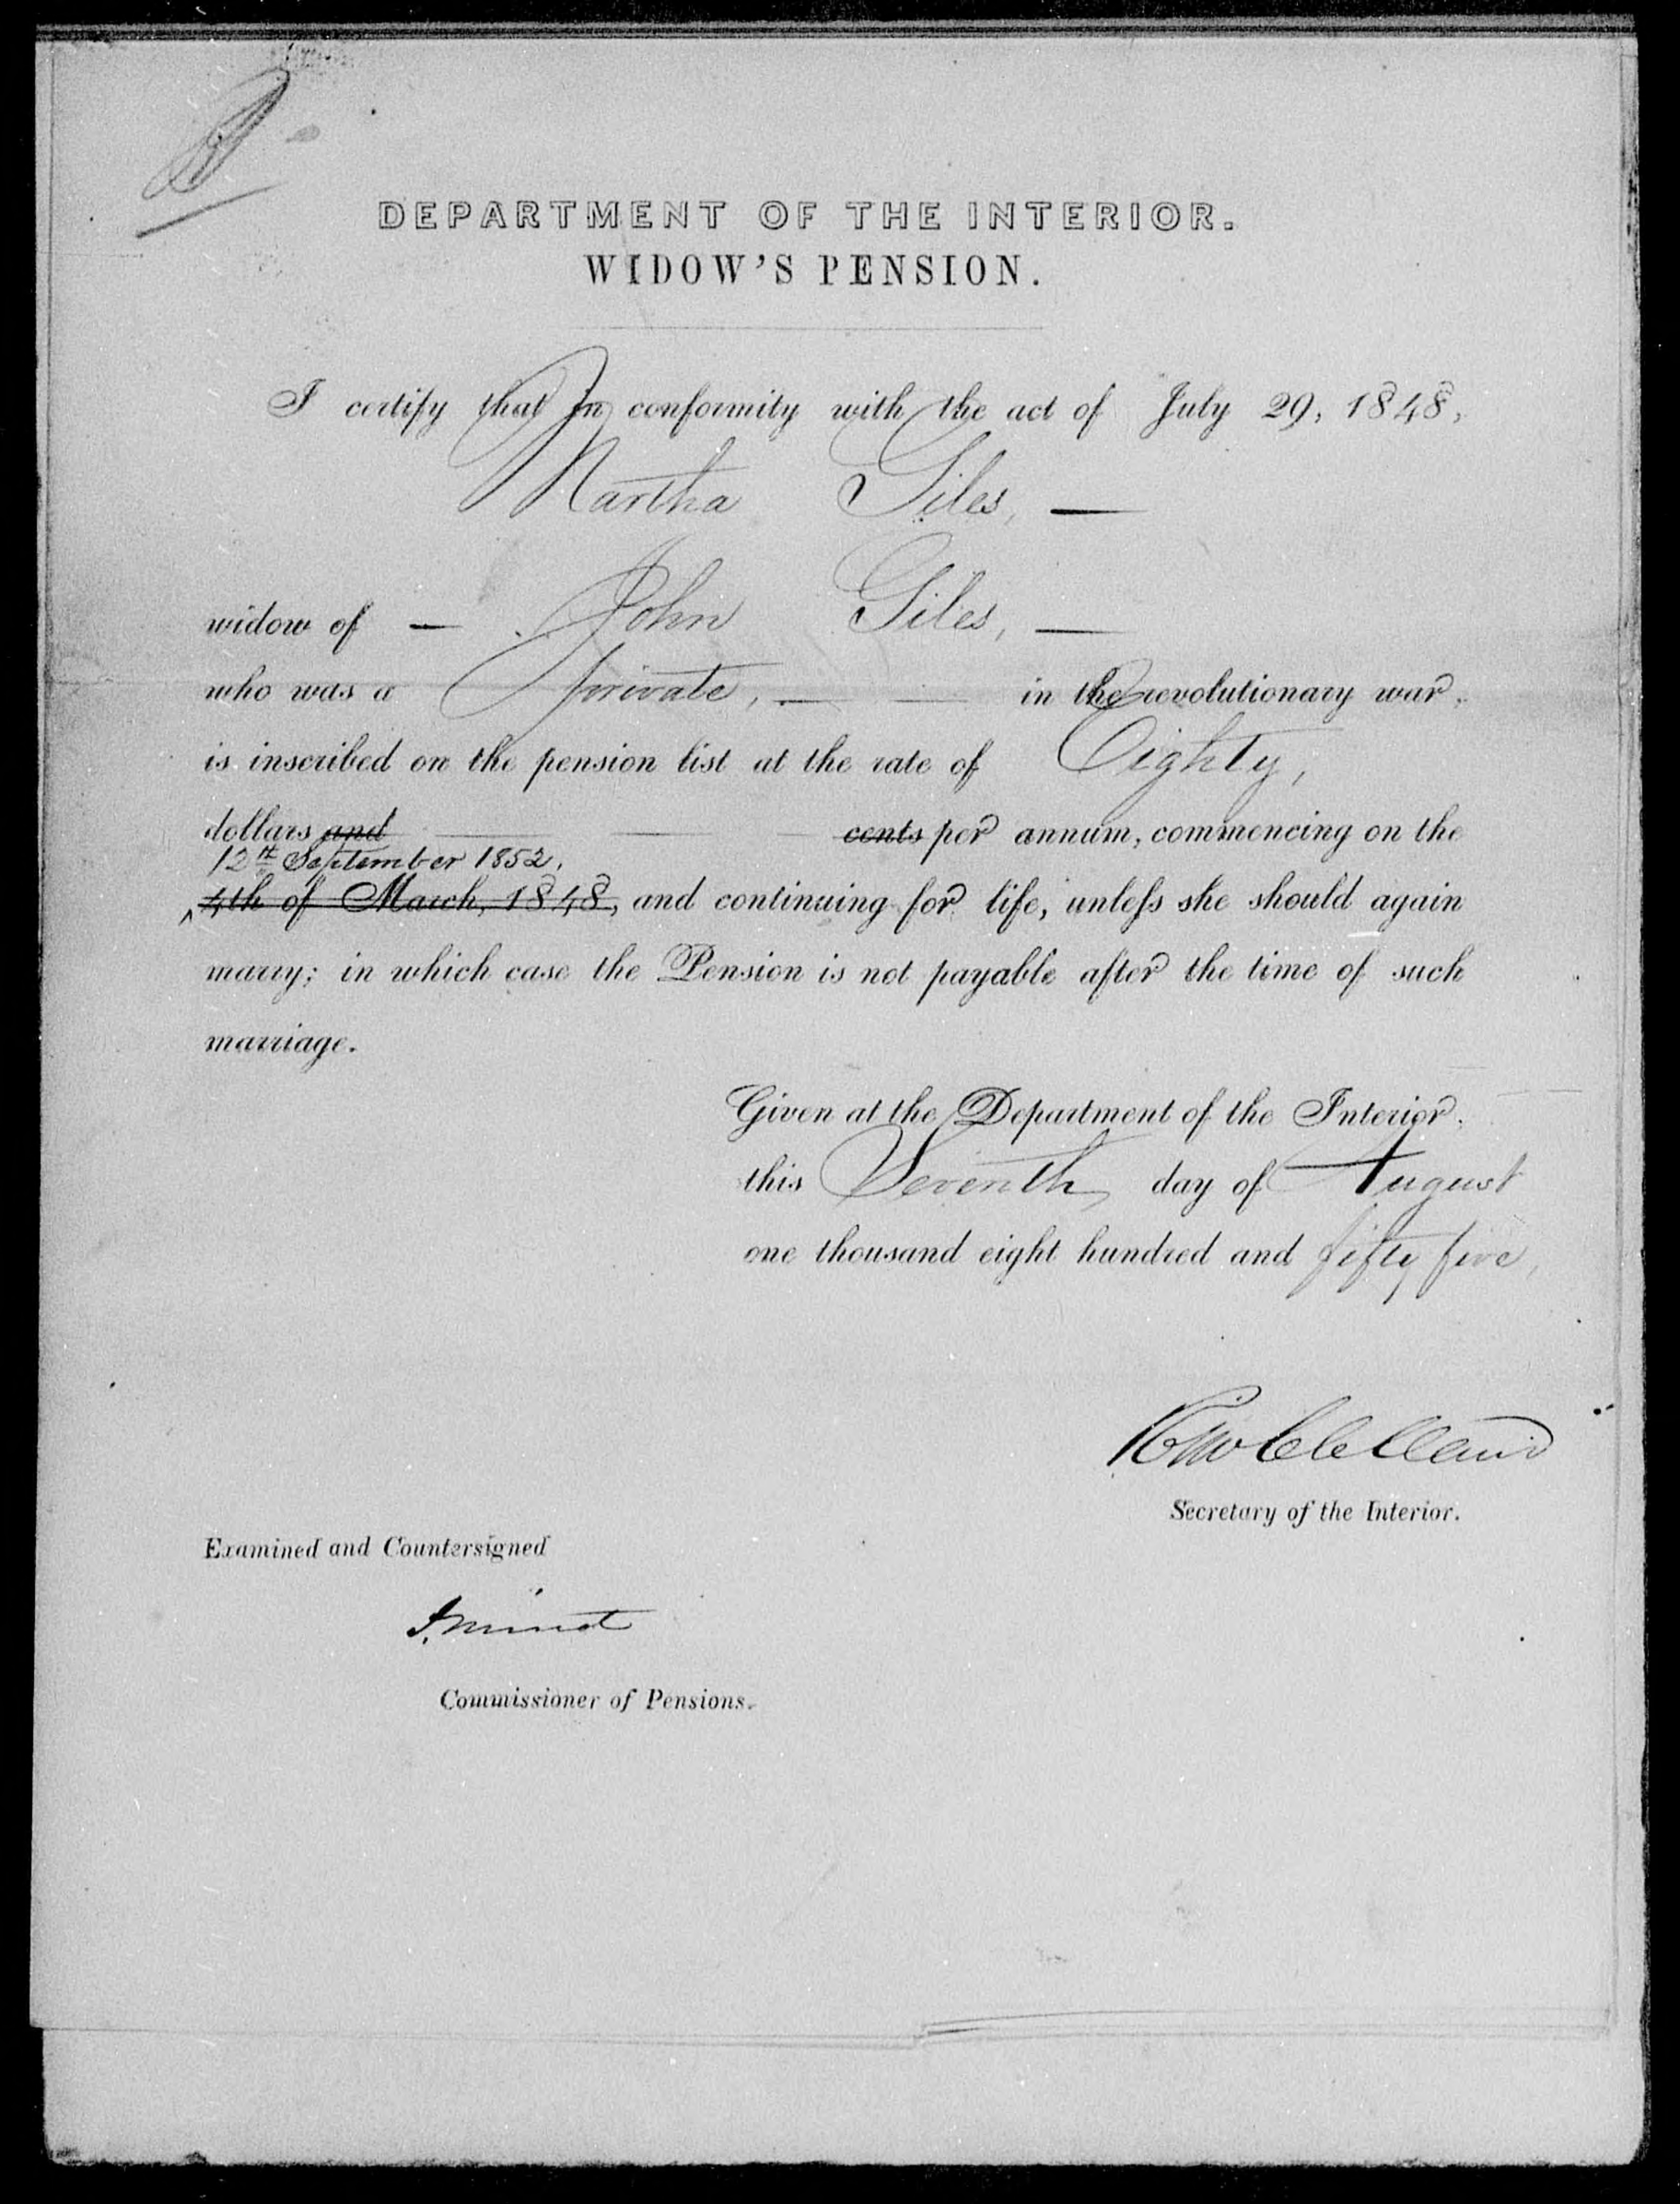DEPARTMENT OF THE INTERIOR.
WIDOW'S PENSION.
I certify that a conformity with the act of July 29, 1848
Martha Giles 
widow of
John Giles
who was a private, in the revolutionary war
is inscribed on the pension list at the rate of Eighty
dollars per annum, commencing on the
12th September 1852, and continuing for life, unless she should again
marry; in which case the Pension is not payable after the time of such
marriage.
Given at the Department of the Interior
this Seventh day of Aug
one thousand eight hundred and fifty five,

RW McClelland
Secretary of the Interior

Examined and Countersigned
G Minot
Commissioner of Pensions.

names: Martha Giles, J Minot, R Mc Clelland, John Giles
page: 68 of 82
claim: widow's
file: W. 7,522, John Giles, N.C.